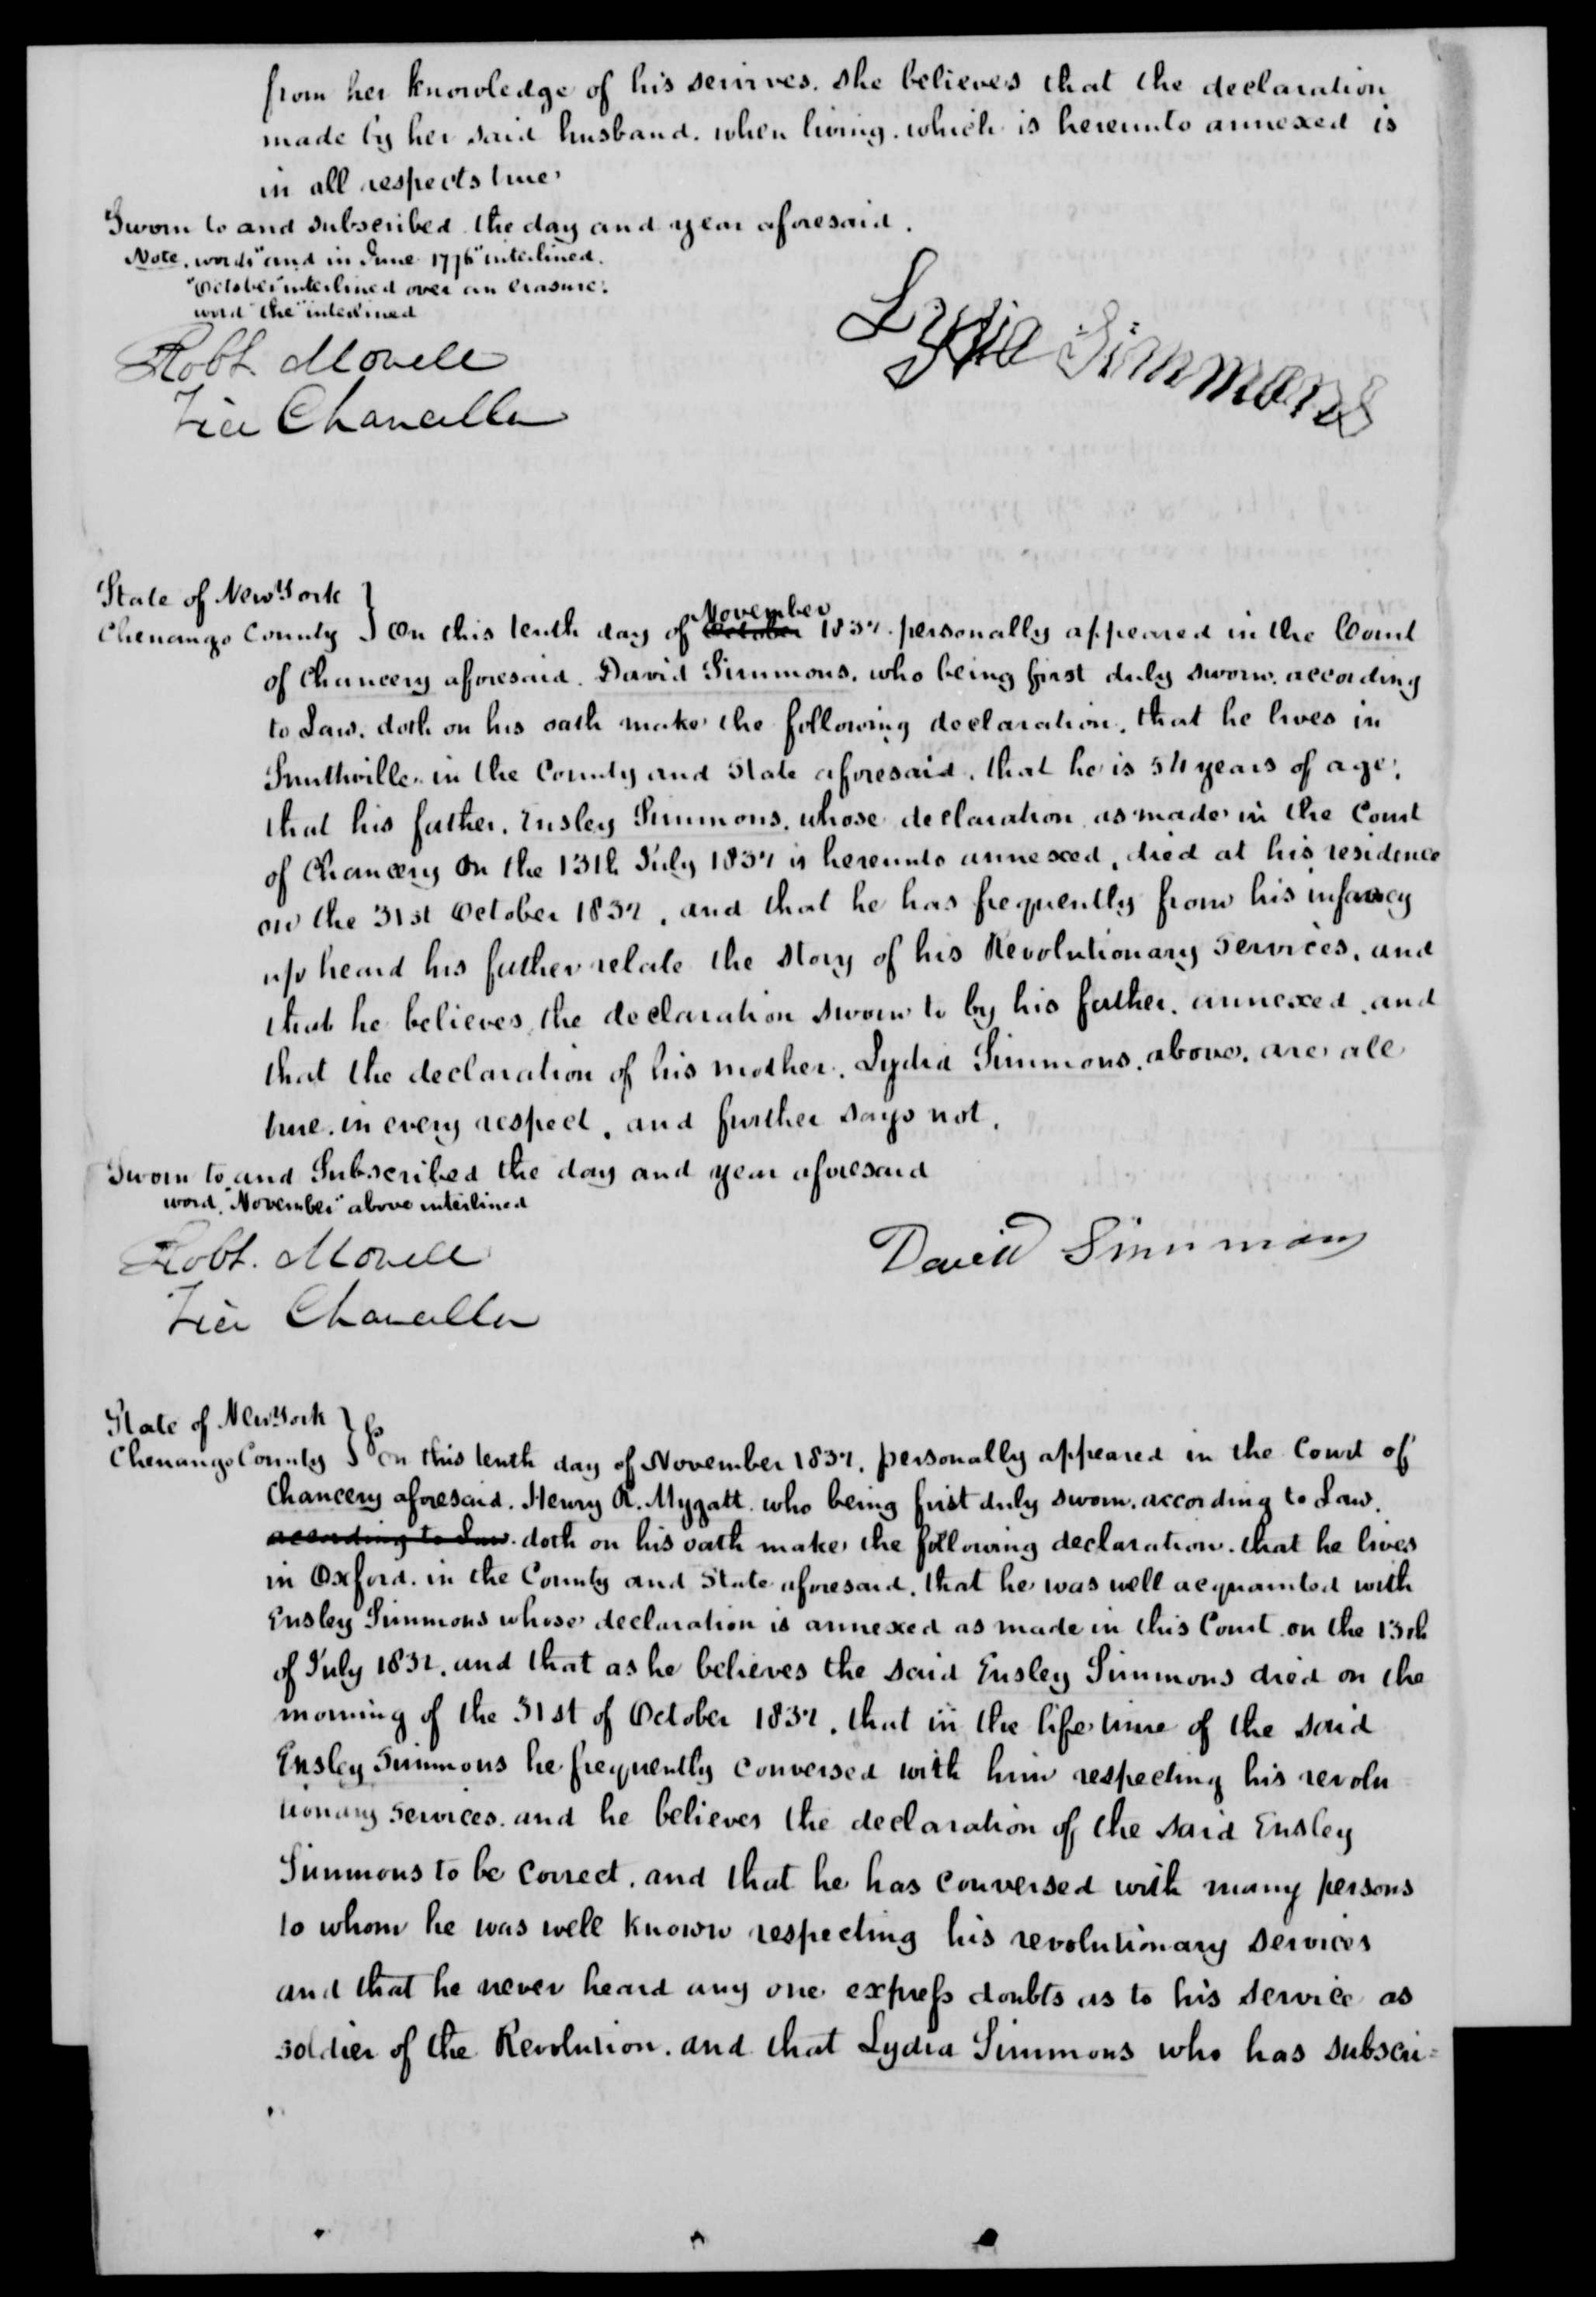from her knowledge of his services, she believes that the declaration
made by her said husband, when living, which is hereunto annexed is
in all respects true

Sworn to and subscribed the day and year aforesaid
Note, words " and in June 1776" underlined.'"October" underlined over an erasure
word "the" indented i

Rob L. Morrell
Vice Chancellor

[signed] Lydia Simmons

State of New York ⎬
Chenango County ⎬ On this tenth day of November 1832 personally appeared in the Court
of Chancery aforesaid David Simmons, who being first duly sworn, according to
Law doth on his oath make the following declaration, that he lives in
Smithville in the County and State aforesaid, that he is 54 years of age:
that his father Ensley Simmons, whose declaration as 'made' in the Court
of Chancery on the 13th July 1832 is hereunto annexed, died at his residence
on the 31st October 1832, and that he has frequently from his infancy
heard his father relate the story of his Revolutionary services, and
that he believes the declaration sworn to by his father, annexed and
that the declaration of his mother, Lydia Simmons, above, are all
true in every respect, and further says not
Sworn to and Subscribed the day and year aforesaid
word November above underlined

{ signed} David Simmons
Robt Morrell
Vice Chancellor
State of New York 
Chenango County
on this tenth day of November 1832 personally appeared in the Court of
Chancery aforesaid, Henry R. Mygatt, who being first duly sworn, according to Law
doth on his oath make the following declaration,  that he lives
in Oxford in the County and State aforesaid, that he was well acquainted with
Ensley Simmons whose declaration is annexed as made in this Court, on the 13th
of July 1832, and that as he believes the said Ensley Simmons died on the
morning of the 31st of October 1832, that in the life time of the said
Ensley Simmons he frequently conversed with him respecting his revolutionary
services, and he believes the declaration of the said Ensley 
Simmons to be correct, and that he has conversed with many persons
to whom he was well known respecting his revolutionary services
and that he never heard any one express doubts as to his service as
soldier of the Revolution, and that Lydia Simmons who has subscri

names: Lydia Simmons; Lydia Simmons; Ensley Simmons; David Simmons; Robt Morrell; Ensley Simmons; Ensley Simmons; Robt Morrell; Ensley Simmons; Lydia Simmons; Henry R Mygatt; David Simmons; Ensley Simmons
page: 5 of 29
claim: widow's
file: W. 19,032, for Ensley Simmons, New York